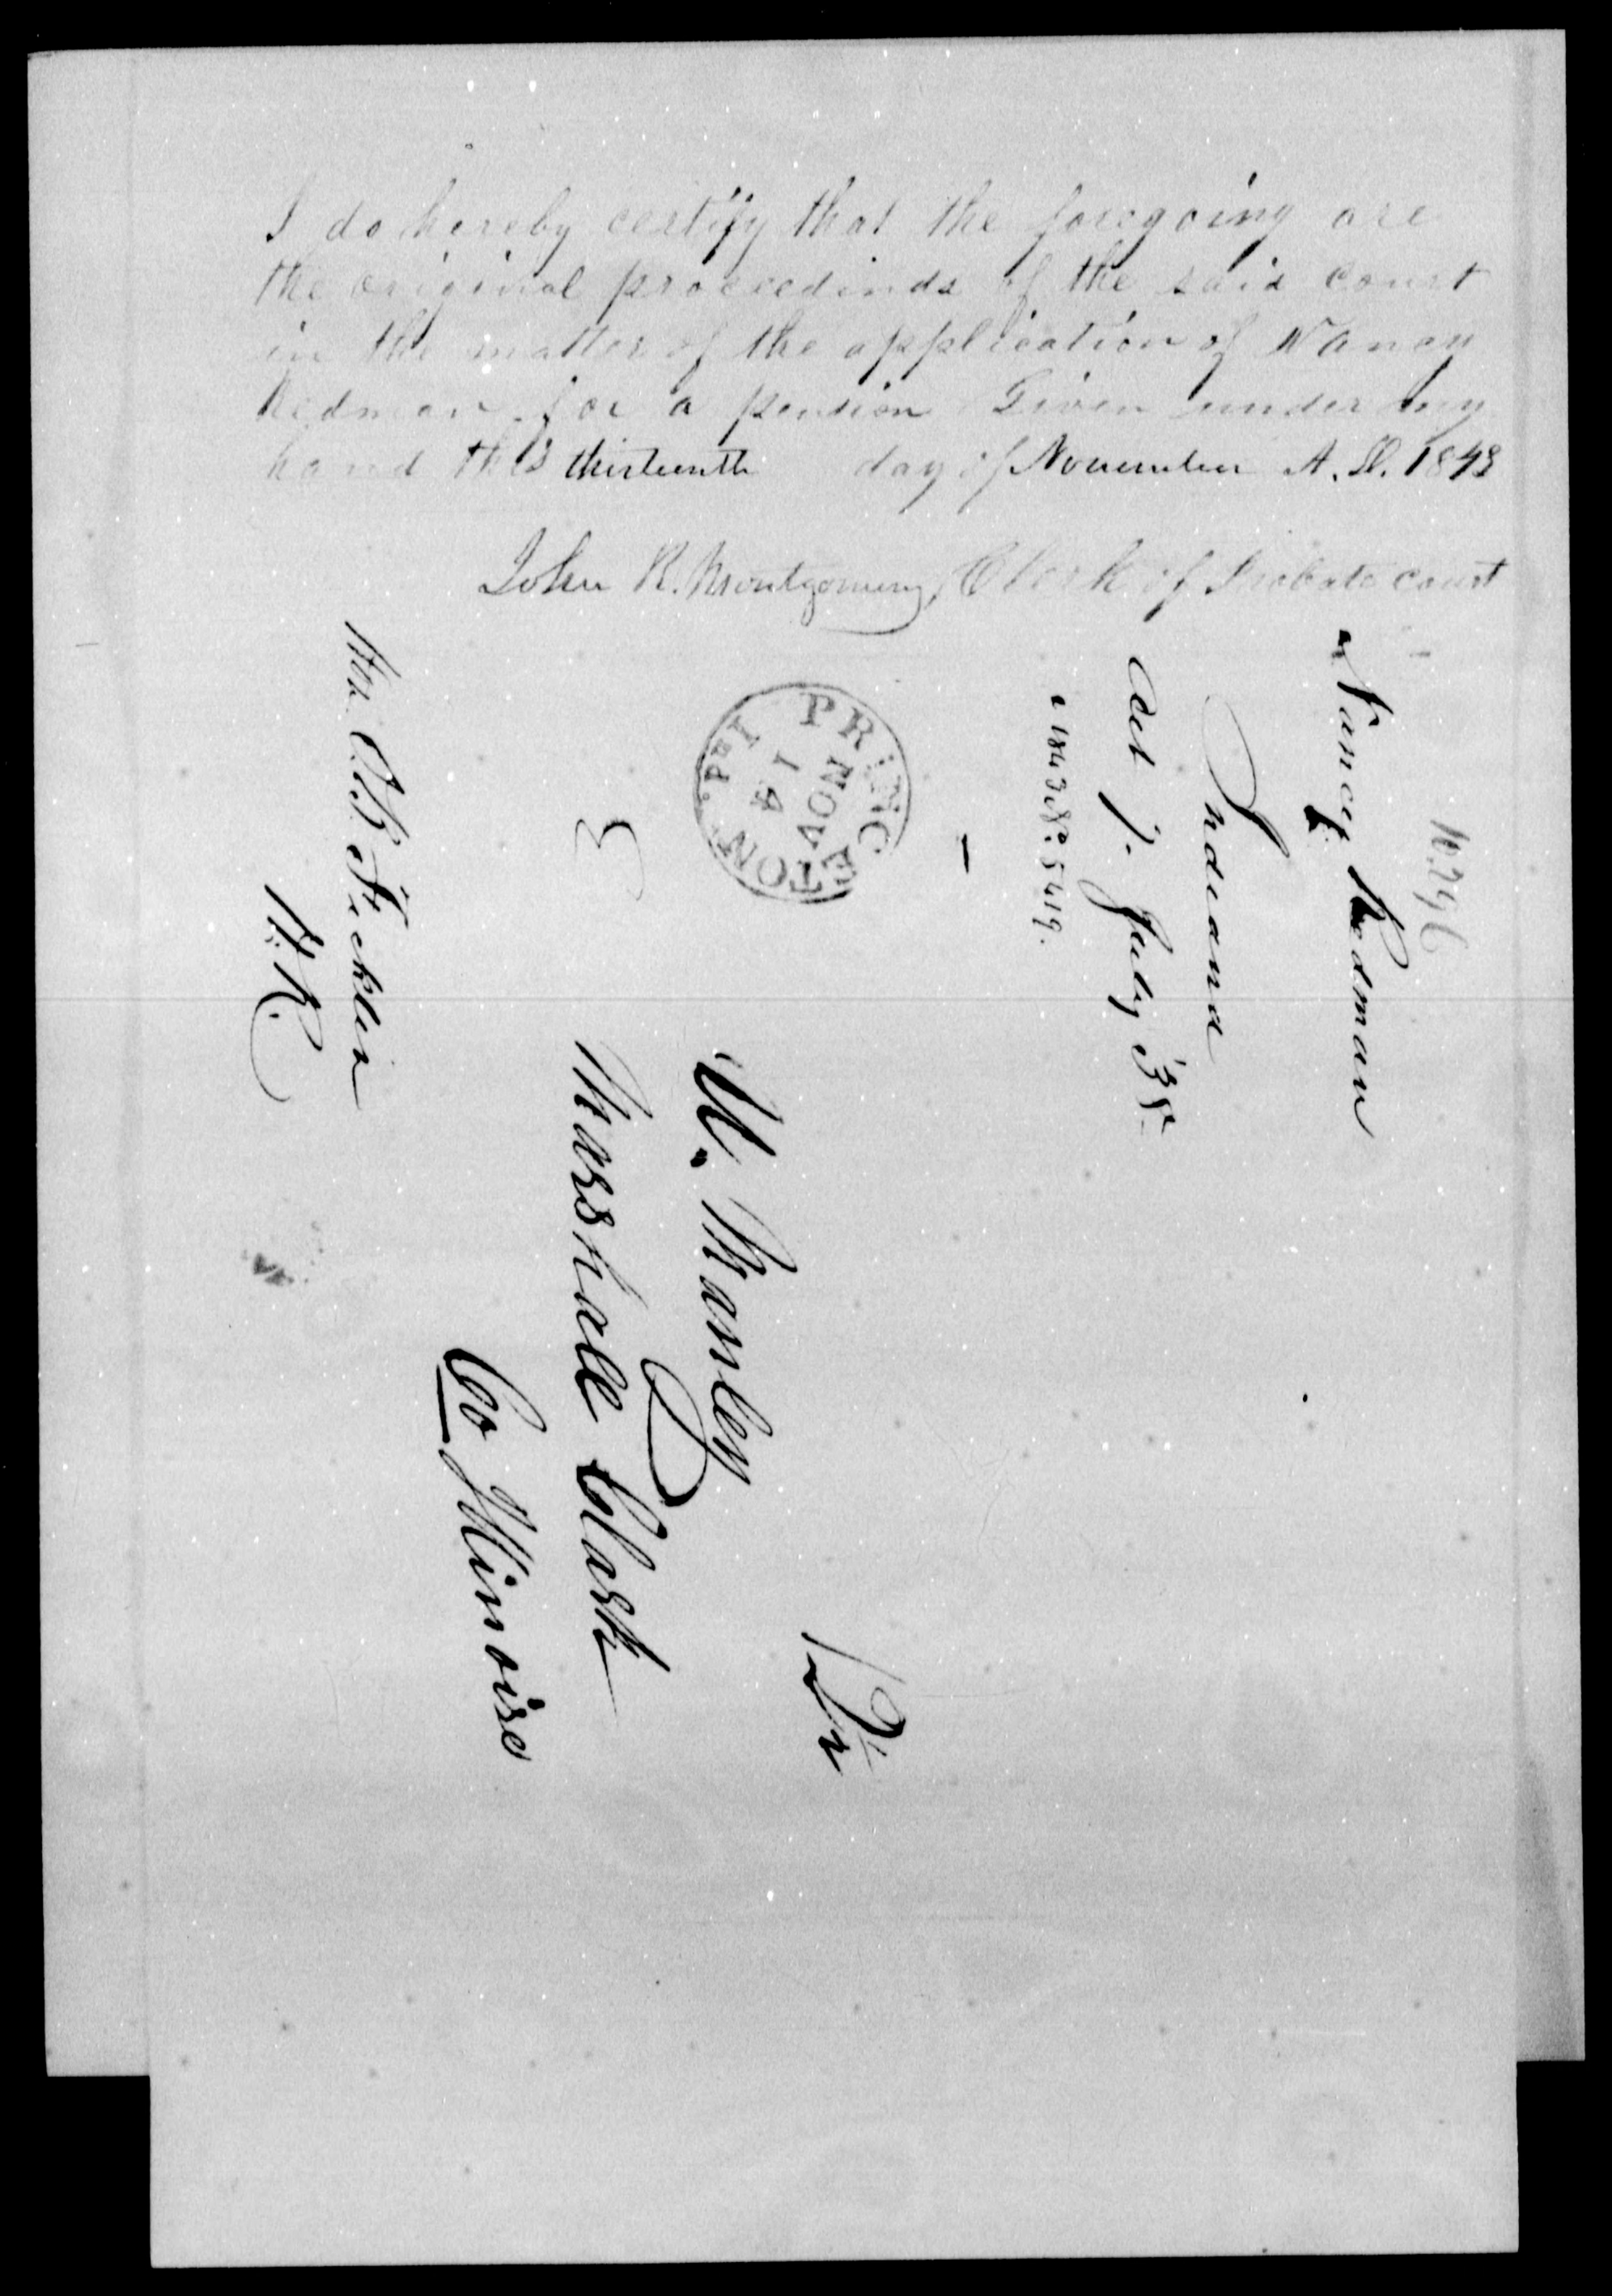I do hereby certify that the foregoing are the original proceedings of the said Court in the matter of the application of Nancy Redman for a pension Given under my hand this thirteenth day of November A.D. 1843
John R. Montgomery Clerk of Probate Court

10,296
Nancy Redman
Indiana
Act 7 July '38
1843 No. 5419.
PRINCETON Ind. NOV 14
12 1/2
W. Manley
Marshall Clask
Co Illinoise
Hon O. B. Fickler
H.R.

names: U Manley; Nancy Redman; O B Ficklin; John R Montgomery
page: 16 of 57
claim: widow's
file: W. 9,622, for Aaron Redman, Virginia